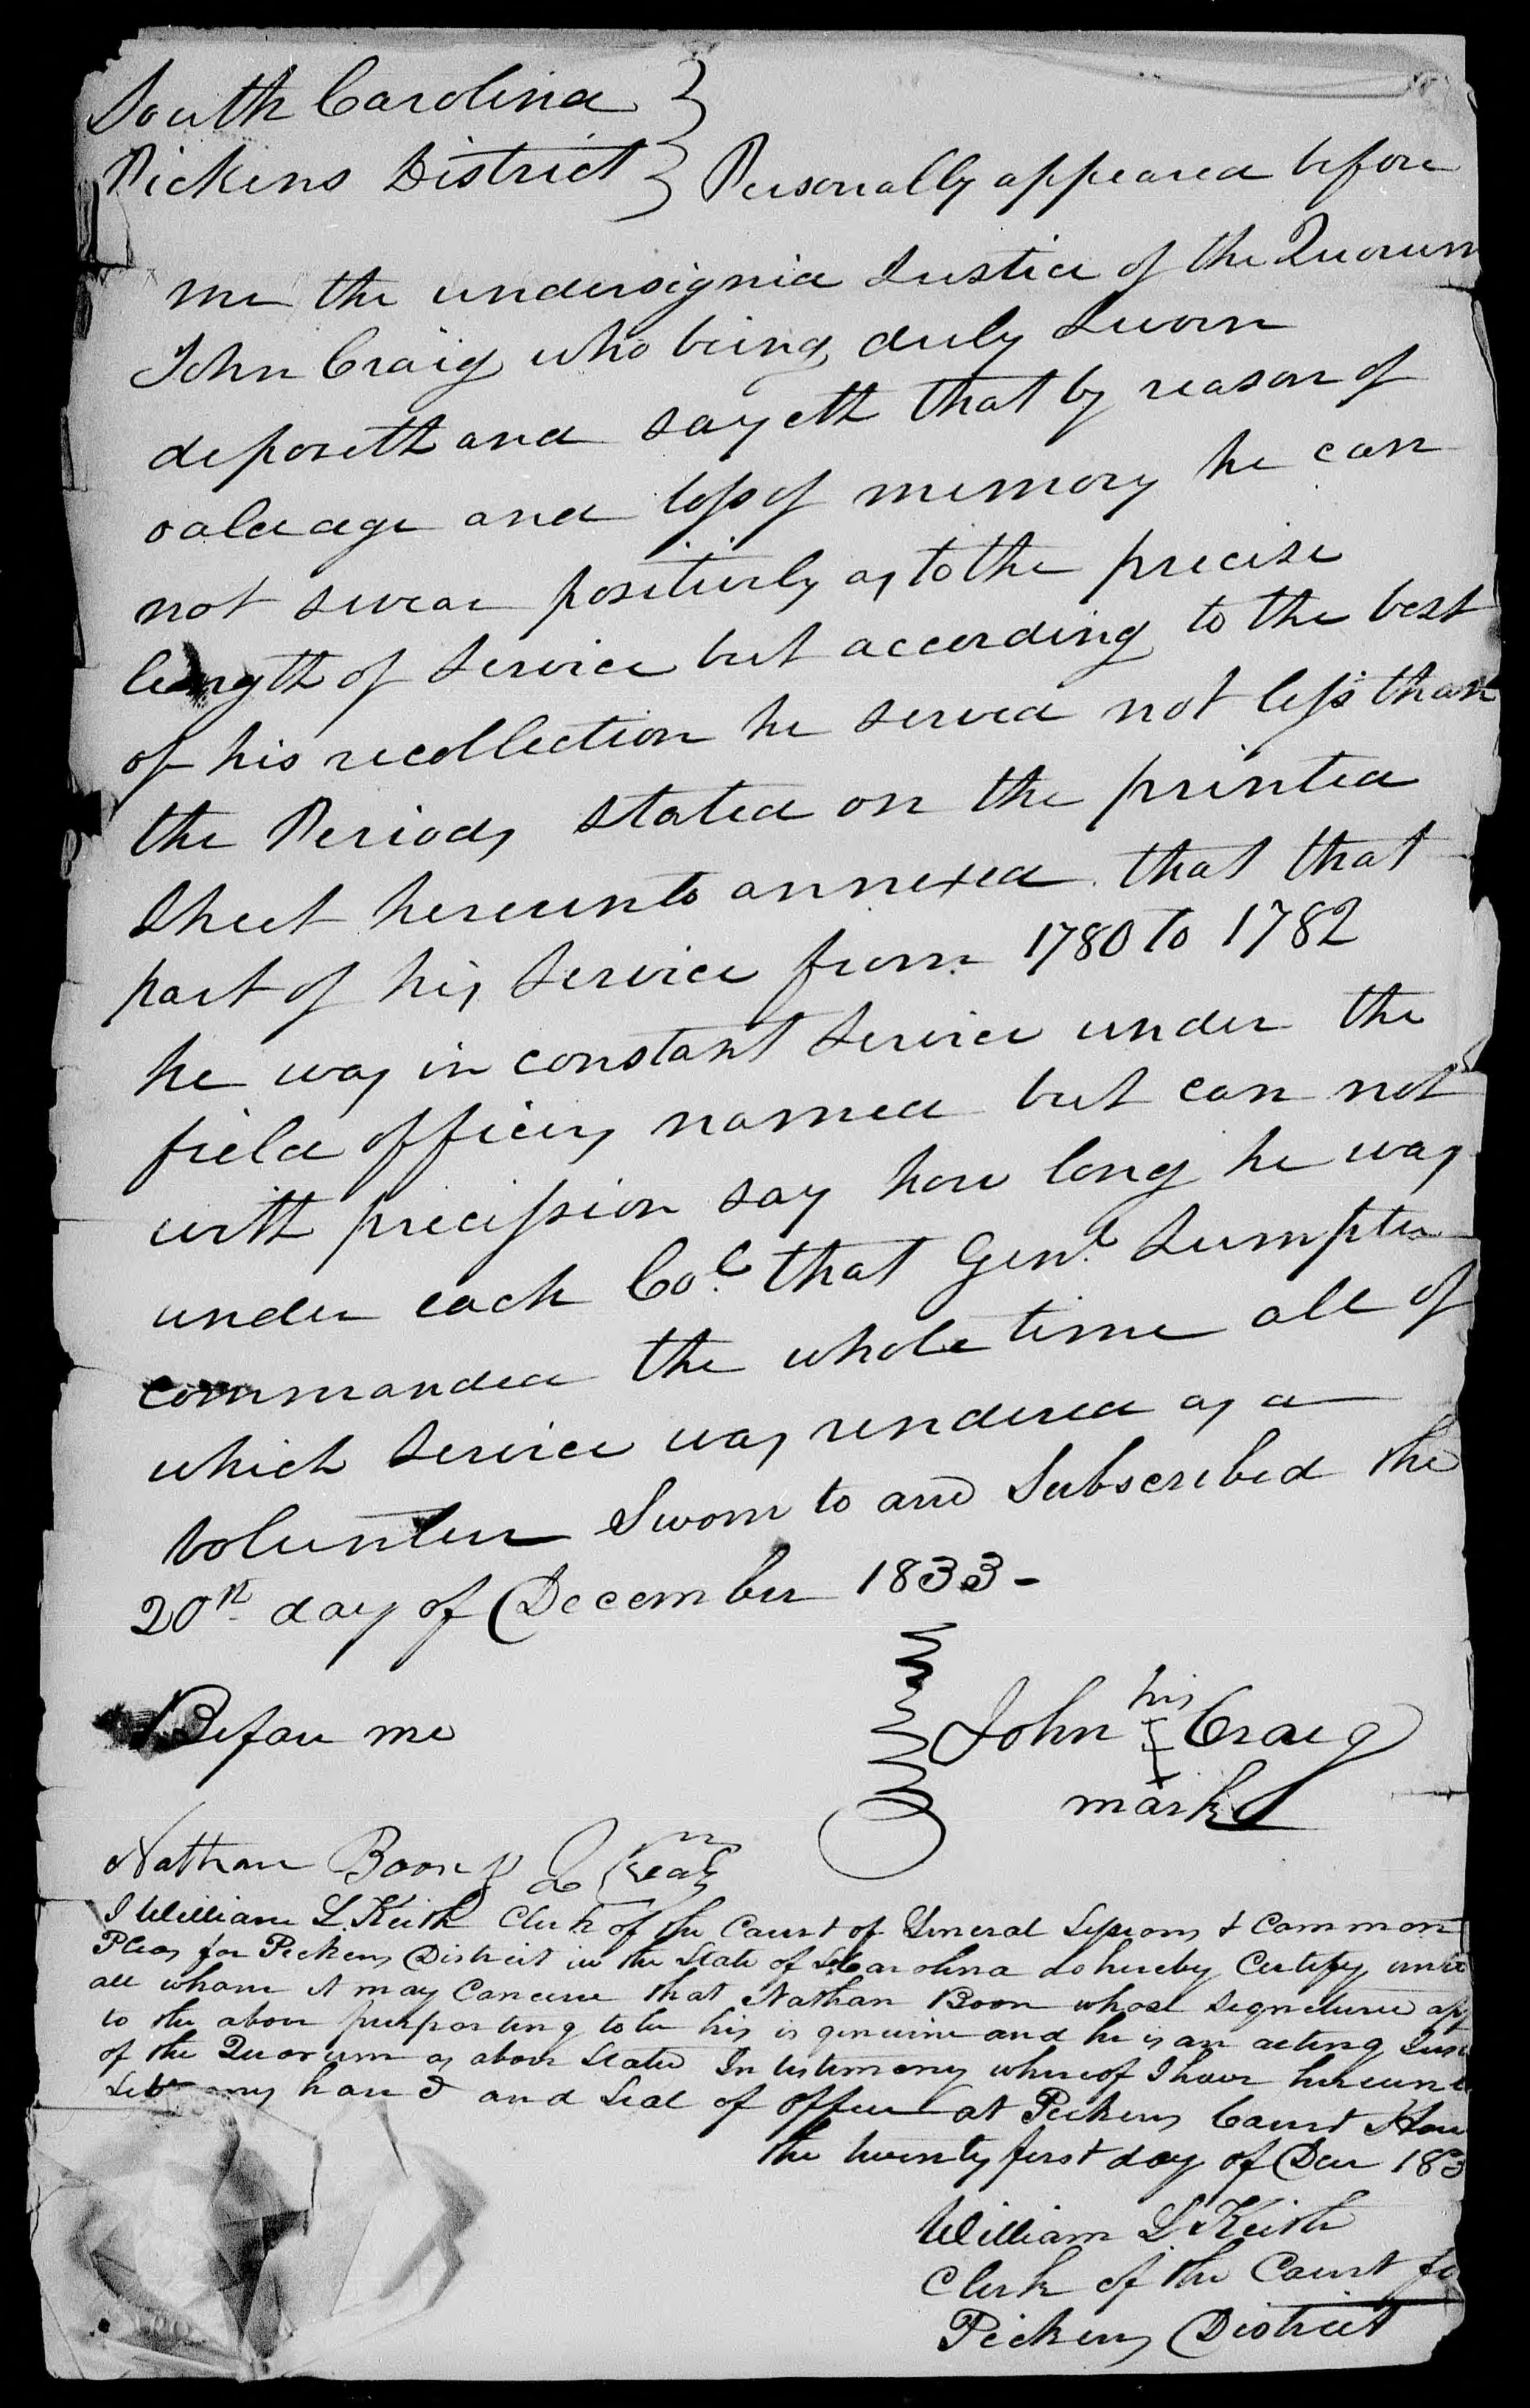South Carolina
Pickins District

Personally appeared before me the undersigned Justice of the Quorum John Craig who being duly Sworn deposeth and sayeth that by reason of old age and loss of memory he can not swear positively as to the precise length of service but according to the best of his recollection he served not less than the periods stated on the printed sheet hereunto annexed that that part of his service from 1780 to 1782 he was in constant service under the field officers named but can not with precision say how long he was under each Col that Genl Sumpter commanded the whole time all of which service was rendered as a volunteer.
Sworn to and subscribed the 20th day of December 1833 -

Before me John ( his ++ mark) Craig

Nathan Boon do {seal hand drawn]
I William L. Keith Clerk of the Court of General Sessions & Common Pleas for Pickens District in the State of S Caroliina do hereby certify and all whom I may concern that Nathan Boon whose signature aff- to the above purporting to be his is genuine and he is an acting Justice of the Quorum of above State
In testimony whereof I have hereunto - [illegible] have I and Seal of office at Pickens Court House
the twenty first day of Dec 183_
William L. Keith
Clerk of the Court for Pickens District

(right side of page torn off)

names: William L Keith, John Craig, Nathan Boon, William L Keith, John Craig, Nathan Boon, Sumpter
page: 27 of 55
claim: widow's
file: W. 22864, John Craig, S.C. Born In Iceland